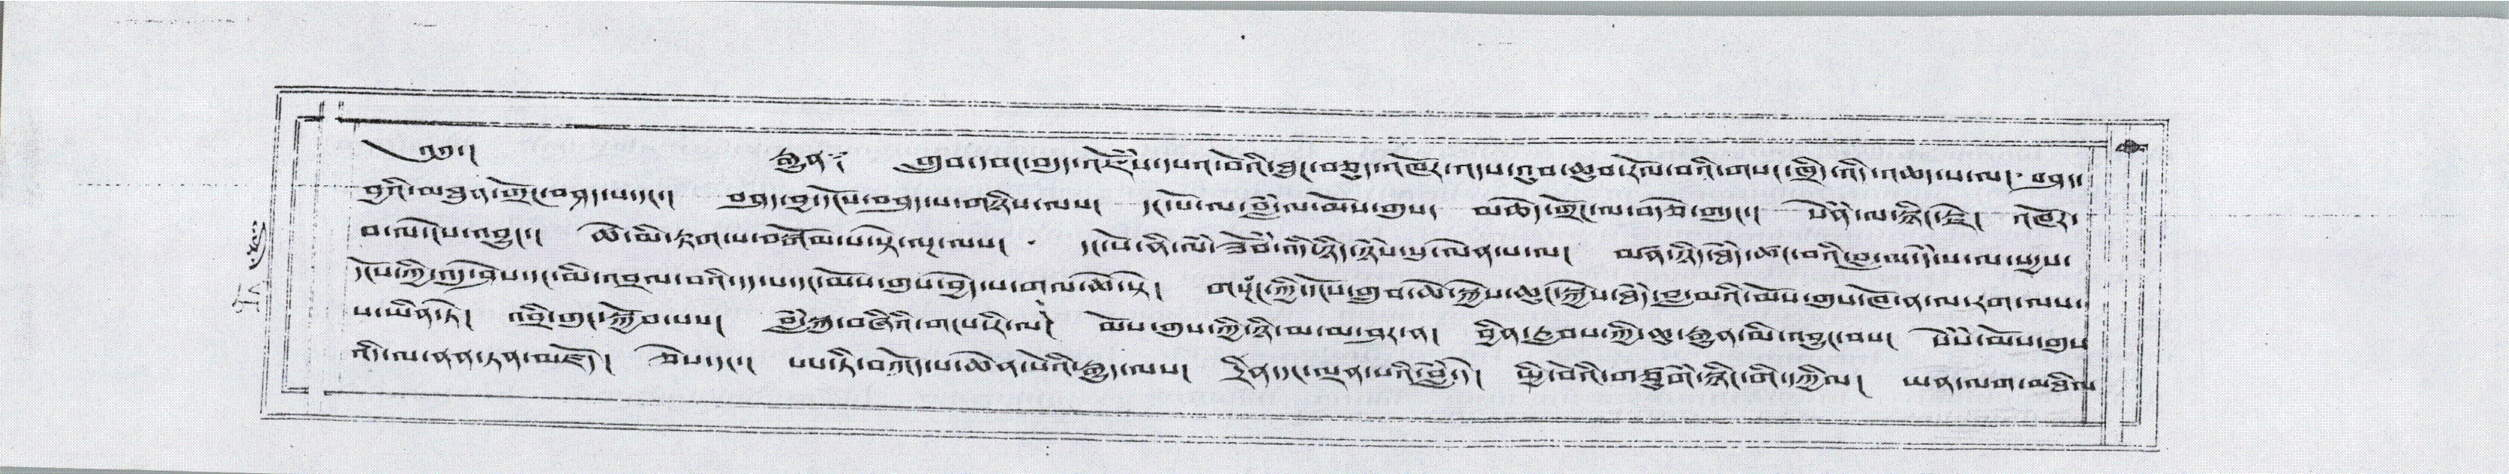རྒྱུན། གྲུབ་དབང་བདུད་འཇོམས་དཔའ་བོའི་ཐུགས་བཅུད་འཁོར་འདས་འུབས་ཆུབ་རོལ་པའི་གསང་ཁྲིད་འདི་འཆད་པ་ལ། བཤད་
བྱའི་མཐུན་གྲོགས་བཤད་པ་དང་། བཤད་བྱ་དངོས་བཤད་པ་གཉིས་ལས། དང་པོ་ལ་བླ་མ་ལ་མོས་གུས། མཆེད་གྲོགས་ལ་བརྩེ་དུང་། སེམས་ཅན་ལ་སྙིང་རྗེ། འཁོར་
བ་ལ་ངེས་འབྱུང་། ཚེ་མི་རྟག་པ་བསྒོམ་པ་སྟེ་ལྔ་ལས། དང་པོ་ནི་ལམ་ཟབ་མོ་འདི་ཉིད་ཉམས་སུ་ལེན་པ་ལ། མཚན་ཉིད་ཐམས་ཅད་ཚང་བའི་བླ་མ་དམ་པ་ལ་སངས་རྒྱས་
དངོས་ཀྱི་འདུ་ཤེས་དང་མི་འབྲལ་བའི་དད་པ་དང་མོས་གུས་བྱེད་གལ་ཆེ་སྟེ། གསང་སྔགས་ཀྱི་དངོས་གྲུབ་ཆེ་སྐྱེས་ཆུང་སྐྱེས་ཐམས་ཅད་བླ་མའི་མོས་གུས་ཁོ་ན་ལ་རག་ལས་
པ་ཡིན་ཏེ། འབྲི་གུང་སྐྱོིབ་པས། བླ་མ་སྐུ་བཞིའི་གངས་རི་ལ། མོས་གུས་ཀྱི་ཉི་མ་མ་ཤར་ན། བྱིན་རླབས་ཀྱི་ཆུ་རྒྱུན་མི་འབྱུང་བས། སེམས་མོས་གུས་
འདི་ལ་ནན་ཏན་མཛོད། ཅེས་དང་། ཨ་ཏི་བཀོད་པ་ཆེན་པོའི་རྒྱུད་ལས། དྲིན་དང་ལྡན་པའི་བླ་མ་དེ། སྤྱི་བོའི་གཙུག་གམ་སྙིང་གི་དཀྱིལ། ཡན་ལག་མཐིལ་